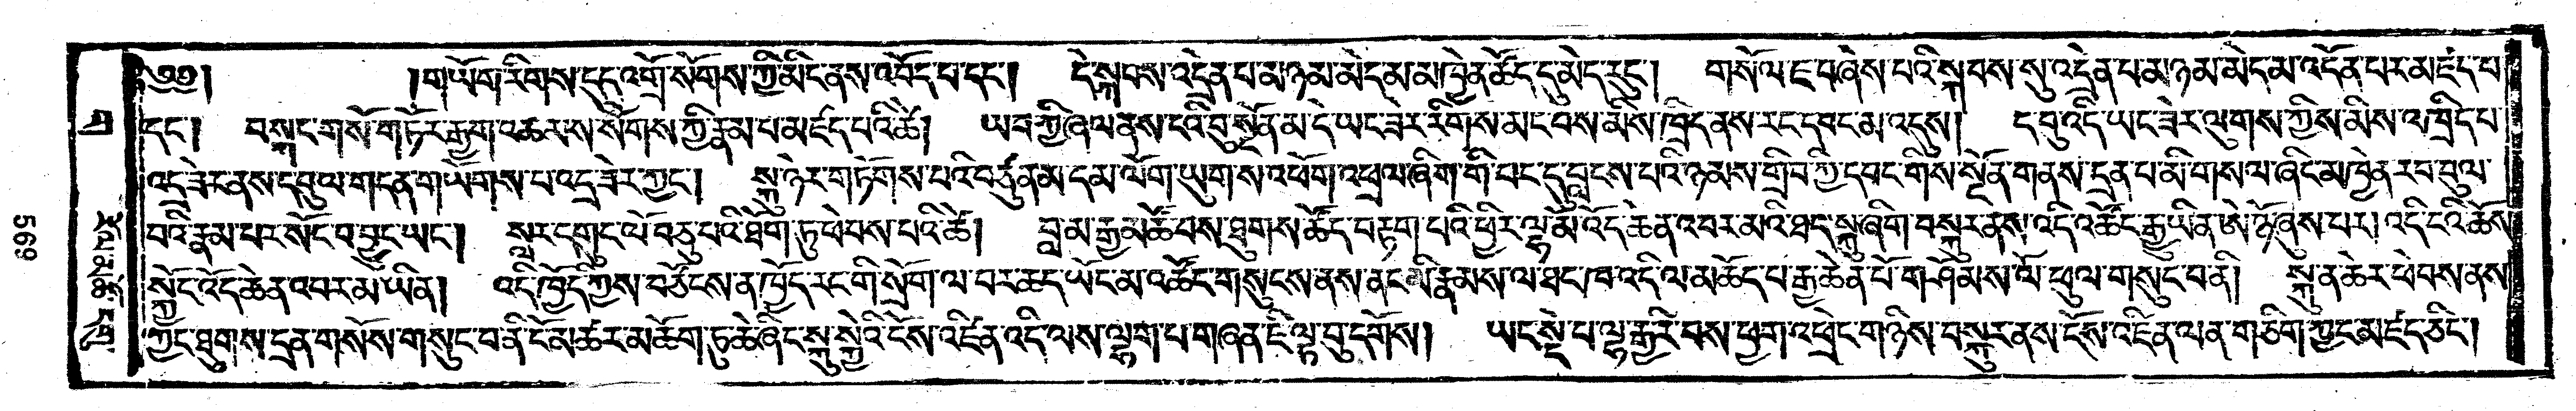༄༅། །གཡོག་རིགས་དུད་འགྲོ་སོགས་ཀྱི་མིང་ནས་འབོད་པ་དང་། དེ་སྐབས་འདྲེན་པ་མཉམ་མེད་མ་མཁྱེན་ཚོད་དུ་མེད་རུང་། གསོལ་ཇ་བཞེས་པའི་སྐབས་སུ་འདྲེན་པ་མཉམ་མེད་མ་འདོན་པར་མཛད་པ་
དང་། བསྐང་གསོ་གཏོར་རྒྱག་འཚམས་སོགས་ཀྱི་རྣམ་པ་མཛད་པའི་ཚེ། ཡབ་ཀྱི་ཞལ་ནས་ངའི་བུ་སྔོན་མ་དེ་ཡང་ཟེར་རིགས་མང་བས་མིས་ཁྲིད་ནས་རང་དབང་མ་འདུས། དབུ་འདི་ཡང་ཟེར་ལུགས་ཀྱིས་མིས་འཁྲིད་པ་
འདྲ་ཟེར་ནས་དབུ་ལ་གདན་གཡོགས་པ་འདྲ་ཟེར་ཀྱང་། སྐུ་ཉེར་གཏོགས་པའི་བཙུན་མ་དམ་ལོག་ཡུག་ས་འཕོག་འཕྲལ་ཞིག་གི་བང་དུ་བླངས་པའི་ཉམས་གྲིབ་ཀྱི་དབང་གིས་སྔོན་གནས་དྲན་པ་མི་གསལ་ཞིང་མཁྱེན་རབ་བུལ་
བའི་རྣམ་པར་སོང་བ་བྱུང་ཡང་། སླར་དགུང་ལོ་བཅུ་པའི་ཐོག་ཏུ་ཕེབས་པའི་ཚེ། བླ་མ་རྒྱ་མཚོ་བས་ཐུགས་ཚོད་བརྟག་པའི་ཕྱིར་ལྷ་མོ་འོད་ཆེན་འབར་མའི་ཐད་སྐུ་ཞིག་བསྐུར་ནས་འདི་འཚོང་རྒྱུ་ཡིན་ཨེ་ཉོ་ཞུས་པར། འདི་ངའི་ཆོས་
སྐྱོང་འོད་ཆེན་འབར་མ་ཡིན། འདི་ཁྱོད་ཀྱིས་བཙོངས་ན་ཁྱོད་རང་གི་སྲོག་ལ་བར་ཆད་ཡོང་མ་འཚོང་གསུངས་ནས་ནང་མི་རྣམས་ལ་ཐང་ཁ་འདི་ལ་མཆོད་པ་རྒྱ་ཆེན་པོ་གཤོམས་ལོ་ཕུལ་གསུང་བ་ནི། སྐུ་ན་ཆེར་ཕེབས་ནས་
ཀྱང་ཐུགས་དྲན་གསོས་གསུང་བ་ནི་ངོ་མཚར་མཆོག་ཏུ་ཆེ་ཞིང་སྐུ་སྐྱེའི་ངོས་འཛིན་འདི་ལས་ལྷག་པ་གཞན་ཇི་ལྟ་བུ་དགོས། ཡང་སྡེ་པ་ལྷ་རྒྱ་རི་བས་ཕྱག་འཕྲེང་གཉིས་བསྐུར་ནས་ངོས་འཛིན་ལན་གཅིག་ཀྱང་མཛད་ཅིང་།